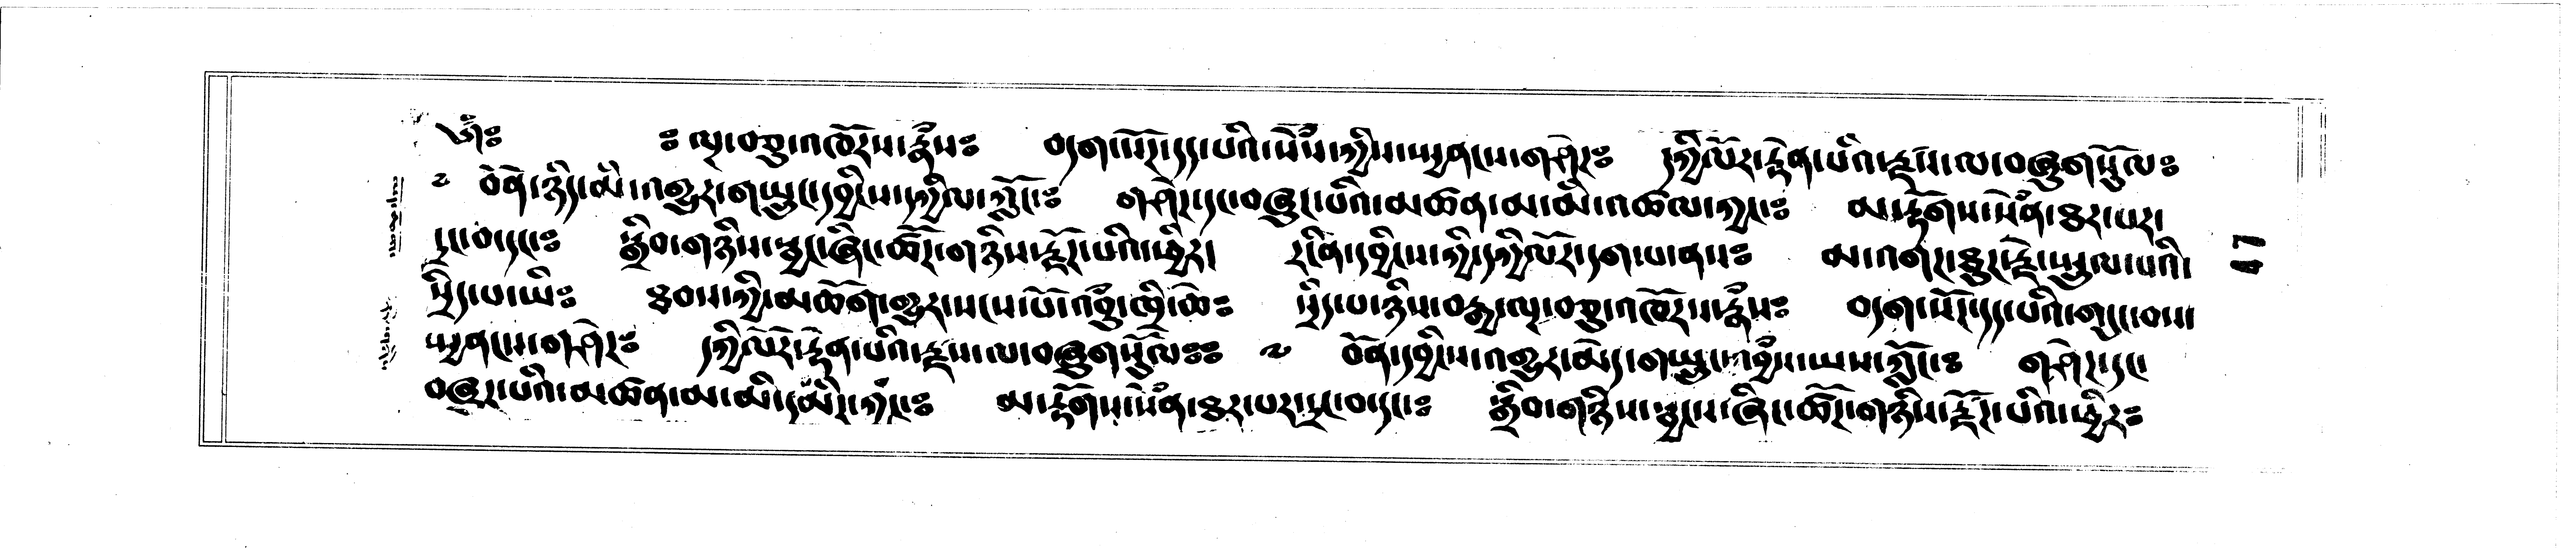ལྔ་བཅུ་འཁོར་བཅས་རྣམསཿ བདག་སོགས་དད་པའི་ཡིད་ཀྱིས་སྤྱན་དྲངས་གཤེགསཿ དཀྱིལ་འཁོར་རྟེན་པའི་རྫས་ལ་བཞུགས་སུ་གསོལཿ 
བོན་དབྱིངས་འགྱུར་མེད་གཡུང་དྲུང་འབྱམས་ཡས་ཀློངཿ གཤེགས་དང་བཞུགས་པའི་མཚན་མ་མི་དམིགས་ཀྱངཿ མ་རྟོགས་སེམས་ཅན་ཐར་པར་
དྲངས་པ་དངཿ སྒྲིབ་གཉིས་སྦྱང་དང་ཚོགས་གཉིས་རྫོགས་པའི་ཕྱིརཿ རང་བཞིན་དབྱིངས་ཀྱི་དཀྱིལ་འཁོར་དག་པ་ནསཿ མ་འགག་ཐུགས་རྗེ་སྤྲུལ་པའི་
སྲིད་པ་ཡིཿ ཐབས་ཀྱི་མཆོག་གྱུར་སངས་པོ་འབུམ་ཁྲི་ཆེཿ སྲིད་པ་ཉིས་བརྒྱ་ལྔ་བཅུ་འཁོར་བཅས་རྣམསཿ བདག་སོགས་དད་པའི་ཡིད་ཀྱིས་
སྤྱན་དྲངས་གཤེགསཿ དཀྱིལ་འཁོར་རྟེན་པའི་རྫས་ལ་བཞུགས་སུ་གསོལཿ བོན་དབྱིངས་འགྱུར་མེད་གཡུང་དྲུང་འབྱམས་ཡས་ཀློངཿ གཤེགས་དང་
བཞུགས་པའི་མཚན་མ་མི་དམིགས་ཀྱངཿ མ་རྟོགས་སེམས་ཅན་ཐར་པར་དྲངས་པ་དངཿ སྒྲིབ་གཉིས་སྦྱང་དང་ཚོགས་གཉིས་རྫོགས་པའི་ཕྱིརཿ